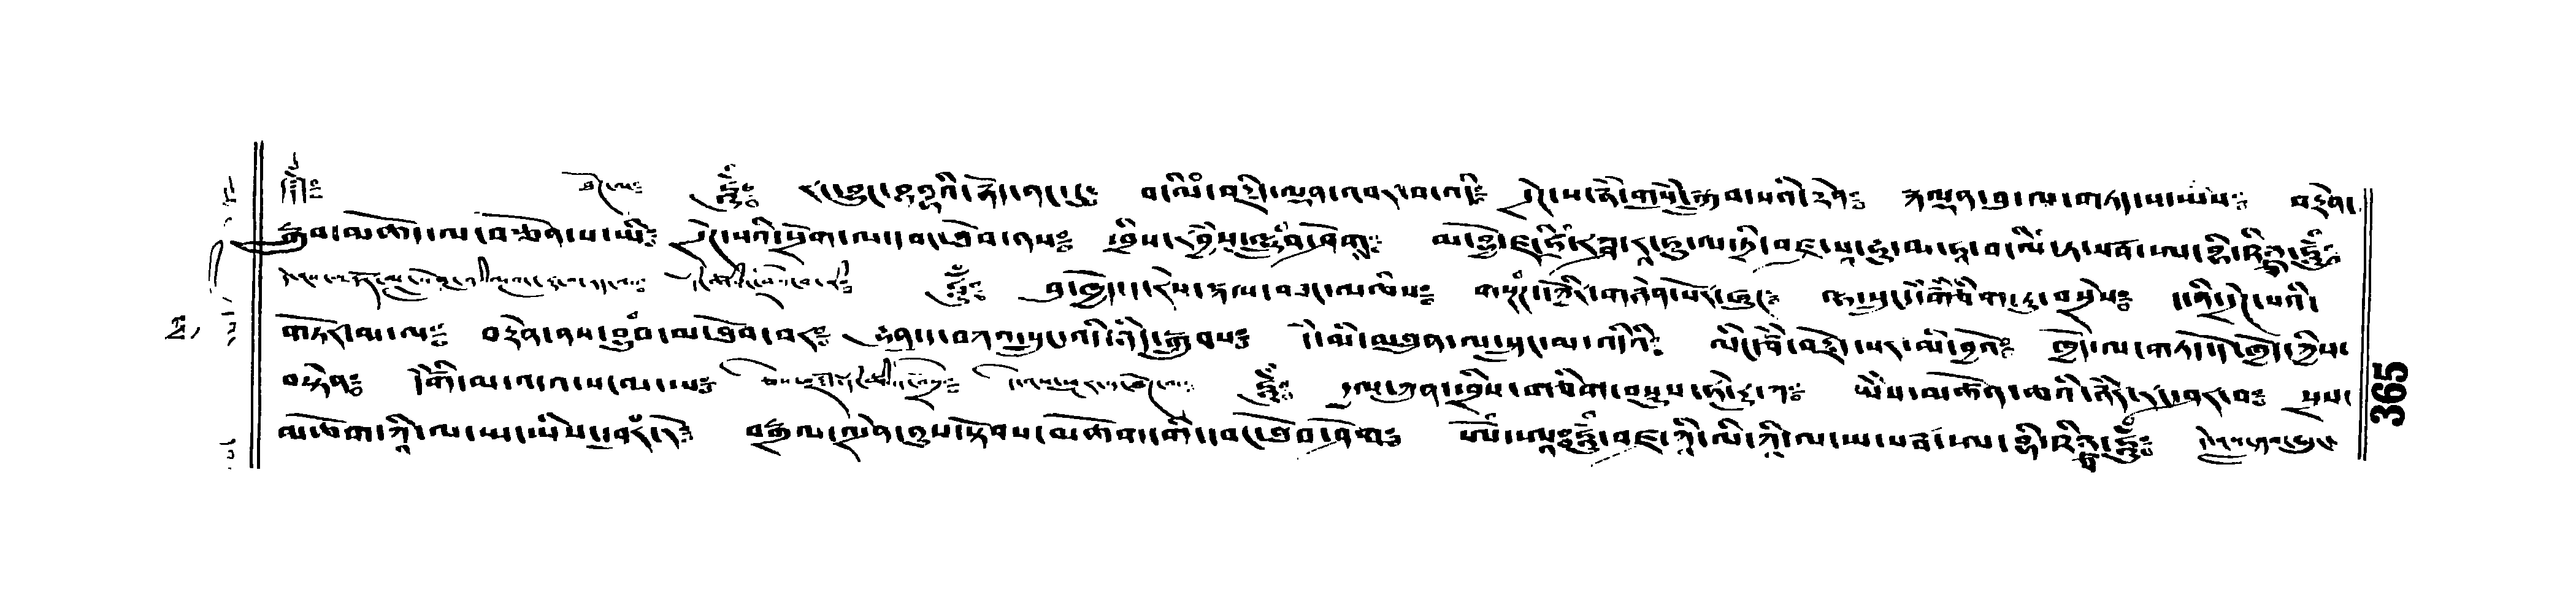ཐོགས་ལ༔ ཧཱུྃ༔ རང་བྱུང་བྷནྡྷའི་སྣོད་ནང་དུ༔ བ་ལིཾ་བརྗིད་ལྡན་འབར་བ་འདི༔ དྲེགས་པ་རྣམ་གསུམ་སྒྲུབ་པའི་རྟེན༔ སྐལ་ལྡན་བུ་ལ་གཏད་པ་ཡིས༔ བརྟེན་
སྒྲུབ་མཆོད་ལ་བརྩོན་པ་ཡིཿ དྲེགས་པའི་སྲོག་ལ་དབང་ཐོབ་ནས༔ ཕྲིན་ལས་རབ་འབྱམས་ལྷུན་གྲུབ་ཤོག༔ མ་བྷྱོ་ཛ་ཧྲིཾ་རཀྵ་རཱ་ཧུ་ལ་ཏྲི་བཛྲ་སཱ་དྷུ་མ་ཧཱ་བ་ལིཾ་ཏ་སརྦ་ཨ་བྷི་རིཉྩ་ཧཱུྃ༔ 
དེ་ནས་གཏོར་མ་སློབ་བུའི་ལག་ཏུ་གཏད་ལ༔ དམ་ཚིག་བསྲེ་བ་ནི༔ ཧཱུྃ༔ བུ་ཁྱོད་ད་རེས་སྐལ་བཟང་མཆིས༔ གསང་སྔགས་དཀྱིལ་འཁོར་གཉེན་པོར་ཞུགས༔ ལྷ་སྲུང་དམ་ཚིག་གཅིག་ཏུ་བསྲེས༔ ད་ནི་དྲེགས་པའི་
གཏོར་མ་ལ༔ བརྟེན་ནས་བྱང་ཆུབ་མ་ཐོབ་བར༔ རྒྱུན་དུ་བཀའ་སྲུང་འདི་ཉིད་སྒྲུབས༔ དམ་མི་མཐུན་ལ་སྲུང་མ་འདིའི༔ མིང་ཙམ་བརྗོད་པར་མི་བྱའོ༔ ཁྱོད་ལ་གཏད་དོ་ཁྱོད་ཀྱིས་
བསྟེན༔ དམ་ཚིག་མ་འདའ་ས་མ་ཡ༔ ཅེས་བརྗོད་དམ་ཚིག་བསྲེ༔ དེ་ནས་ཕུར་བུ་ཐོགས་ལ༔ ཧཱུྃ༔ རྒྱལ་ཀུན་ཕྲིན་ལས་གཅིག་བསྡུས་ཧེ་རུ་ཀ༔ ཡེ་ཤེས་མཚོན་ཆའི་རྣམ་པར་རང་ཤར་བ༔ སྲས་
མཆོག་ཀཱི་ལ་ཡ་ཡིས་དབང་བསྐུར་རོ༔ བསྒྲལ་འདྲེན་ནུས་སྟོབས་མཆོག་གི་དབང་ཐོབ་ཤོག༔ ཨོཾ་ཨཱཿཧཱུྃ་བཛྲ་ཀཱི་ལི་ཀཱི་ལ་ཡ་སརྦ་ཨ་བྷི་རིཉྩ་ཧཱུྃ༔དེ་ནས་བྲུབ་ཁུུང་